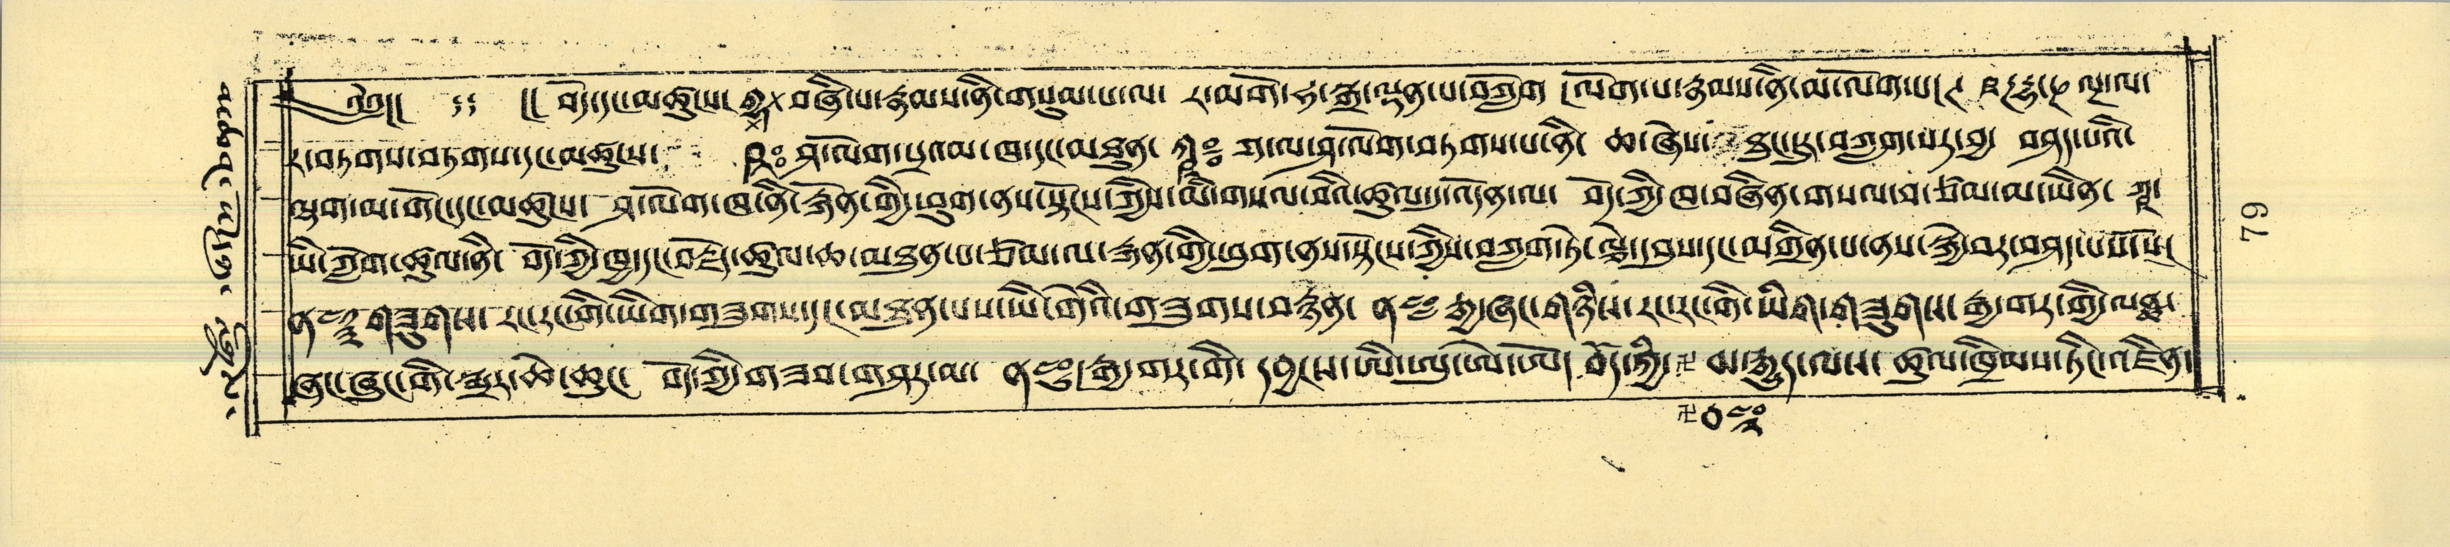བོད་དང་མཚུངས། ༼གྷ༽བཞི་པ་རྣམས་ནི་གསུམ་པ་ལ། ར་མགོ་ཧ་སྒྲ་ལྡན་པ་ཀློག་ལོག་པ་རྣམས་ནི་མ་ལོག་པ། ཊཋཌདྷཎ་ལྔ་ལ
་ར་བཏགས་བཏགས་དང་མཚུངས། རཿཤ་ལོག་པྲའམ་ཁ་དང་མཐུན། ཀྴཿ ཀ་ལ་ཤ་ལོག་བཏགས་པ་ནི། ཆ་ཞེས་ཆུང་ངུར་བཀླགས་པར་བྱ། བཤད་པའི་
ལྷག་མ་གོང་དང་མཚུངས། ཤ་ལོག་ཁ་ནི་རྐན་གྱི་ཕུག་ནས་སྟོངས་ཀྱིས་མི་གསལ་བའི་ཚུལ་དུ་འདོན་ལ། བོད་ཀྱི་ཁ་བཞིན་གསལ་བ་ཙམ་མ་ཡིན། ཀྵ་
ཡི་ཀློག་ཚུལ་ནི། བོད་ཀྱི་ཁྱ་དང་བརྗོད་ཚུལ་ཆ་མཐུན་པ་ཙམ་ལ་རྐན་གྱི་ཕུག་ནས་སྟོངས་ཀྱིས་བཀླག་ཏེ་ལྕེ་དབུས་དང་མགྲིན་པ་ནས་སྐྱེ་བར་བཤད་པས་སོ། 
ན༤༡།༣ ༼གཟུགས༽རང་རང་གི་ཡིག་གཟུགས་དང་མཐུན་པས་ཡི་གེའི་གཟུགས་བརྙན་ན༤༠།༤༼རྒྱ་ཞང་གཉིས༽རང་རང་གི་༼ཡིག་གཟུགས༽རྒྱ་གར་གྱི་ལནྪ་
ཞང་ཞུང་གི་སྨྲ་ཆེ་ཆུང་བོད་ཀྱི་གཟབ་གཤར་ལ་ན༤༠།༦རྒྱ་གར་གྱི་༼དབྱངས༽ཨི་ཨུ་ཨེ་ཨོ།༼བོད་ཀྱི༽ བ༤༠།༢༼མ་རྒྱུད་ལས༽ཚུལ་ཁྲིམས་ཏིང་འཛིན་